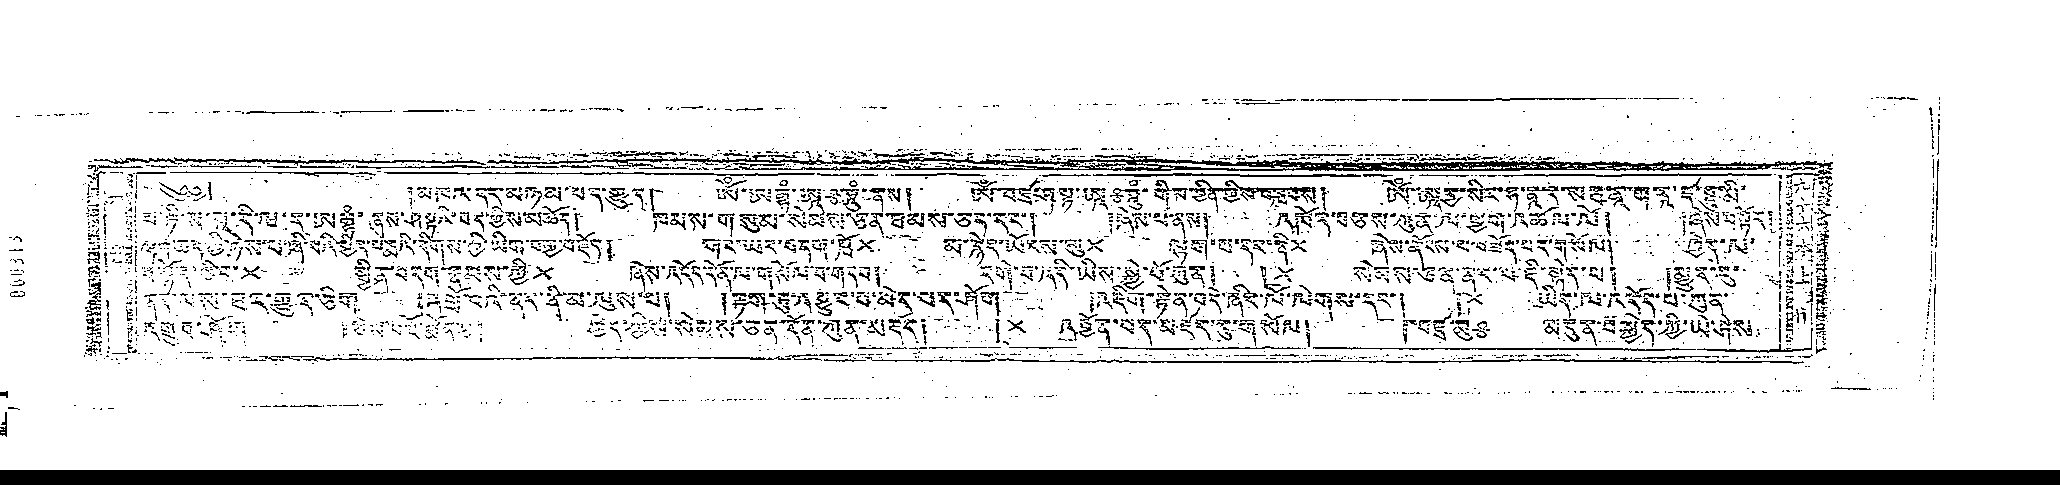༄༅། །མཁའ་དང་མཉམ་པར་གྱུར། ཨོཾ་ཨརྒྷཾ་ཨཱཿ་ཧཱུཾ་ནས། ཨོཾ་བཛྲ་ཤབྷ་ཨཱཿ་ཧཱུཾ་གིས་བྱིན་གྱིས་བརླབས། ཨོཾ་ཨཱ་རྱ་སིང་ཧ་ནཱ་ད་སརྦ་ནཱ་ག་རཱ་ཛ་བྷུ་མི་
པ་ཏི་ས་པཱ་རི་ཝ་ར་ཨརྒྷཾ་ནས་ཤབཏའི་པར་གྱིས་མཆོད། ཁམས་གསུམ་སེམས་ཅན་ཐམས་ཅད་དང་། །ཞེས་པ་ནས། འཁོར་བཅས་ཀུན་ལ་ཕྱག་འཚལ་ལོ། ཞེས་བསྟོད།
ལྷག་ཆད་ཀྱི་ཉེས་པ་ཞི་བའི་ཕྱིར་པདམའི་རིགས་ཀྱི་ཡིག་བརྒྱ་བརྗོད། གང་ཡང་བདག་བློ་྾་མ་རྙེད་ཡོངས་སུ་྾་ལྷག་པ་དང་ནི་྾་ཞེས་ནོངས་པ་བཟོད་པར་གསོལ། ཁྱེད་ལ་
བསྟོད་ཅིང་྾་སྦྱིན་བདག་རྣམས་ཀྱི་྾་ཞེས་འདོད་དོན་ལ་གསོལ་བ་གདབ། དགེ་བ་འདི་ཡིས་སྐྱེ་བོ་ཀུན། །྾་སེམས་ཅན་ནད་པ་ཇི་སྙེད་པ། །མྱུར་དུ་
ནད་ལས་ཐར་གྱུར་ཅིག །འགྲོ་བའི་ནད་ནི་མ་ལུས་པ། །རྟག་ཏུ་འབྱུང་བ་མེད་པར་ཤོག །འཇིག་རྟེན་བདེ་ཞིང་ལོ་ལེགས་དང་། །྾་ཡིད་ལ་འདོད་པ་ཀུན་
འགྲུབ་ཤོག །ཅེས་བསྡོ་སྨོན་བྱ། ཁྱེད་ཀྱིས་སེམས་ཅན་དོན་ཀུན་མཛད། །྾་འབྱོན་པར་མཛད་དུ་གསོལ། །བཛྲ་མུཿ་མདུན་བསྐྱེད་ཀྱི་ཡེ་ཤེས་